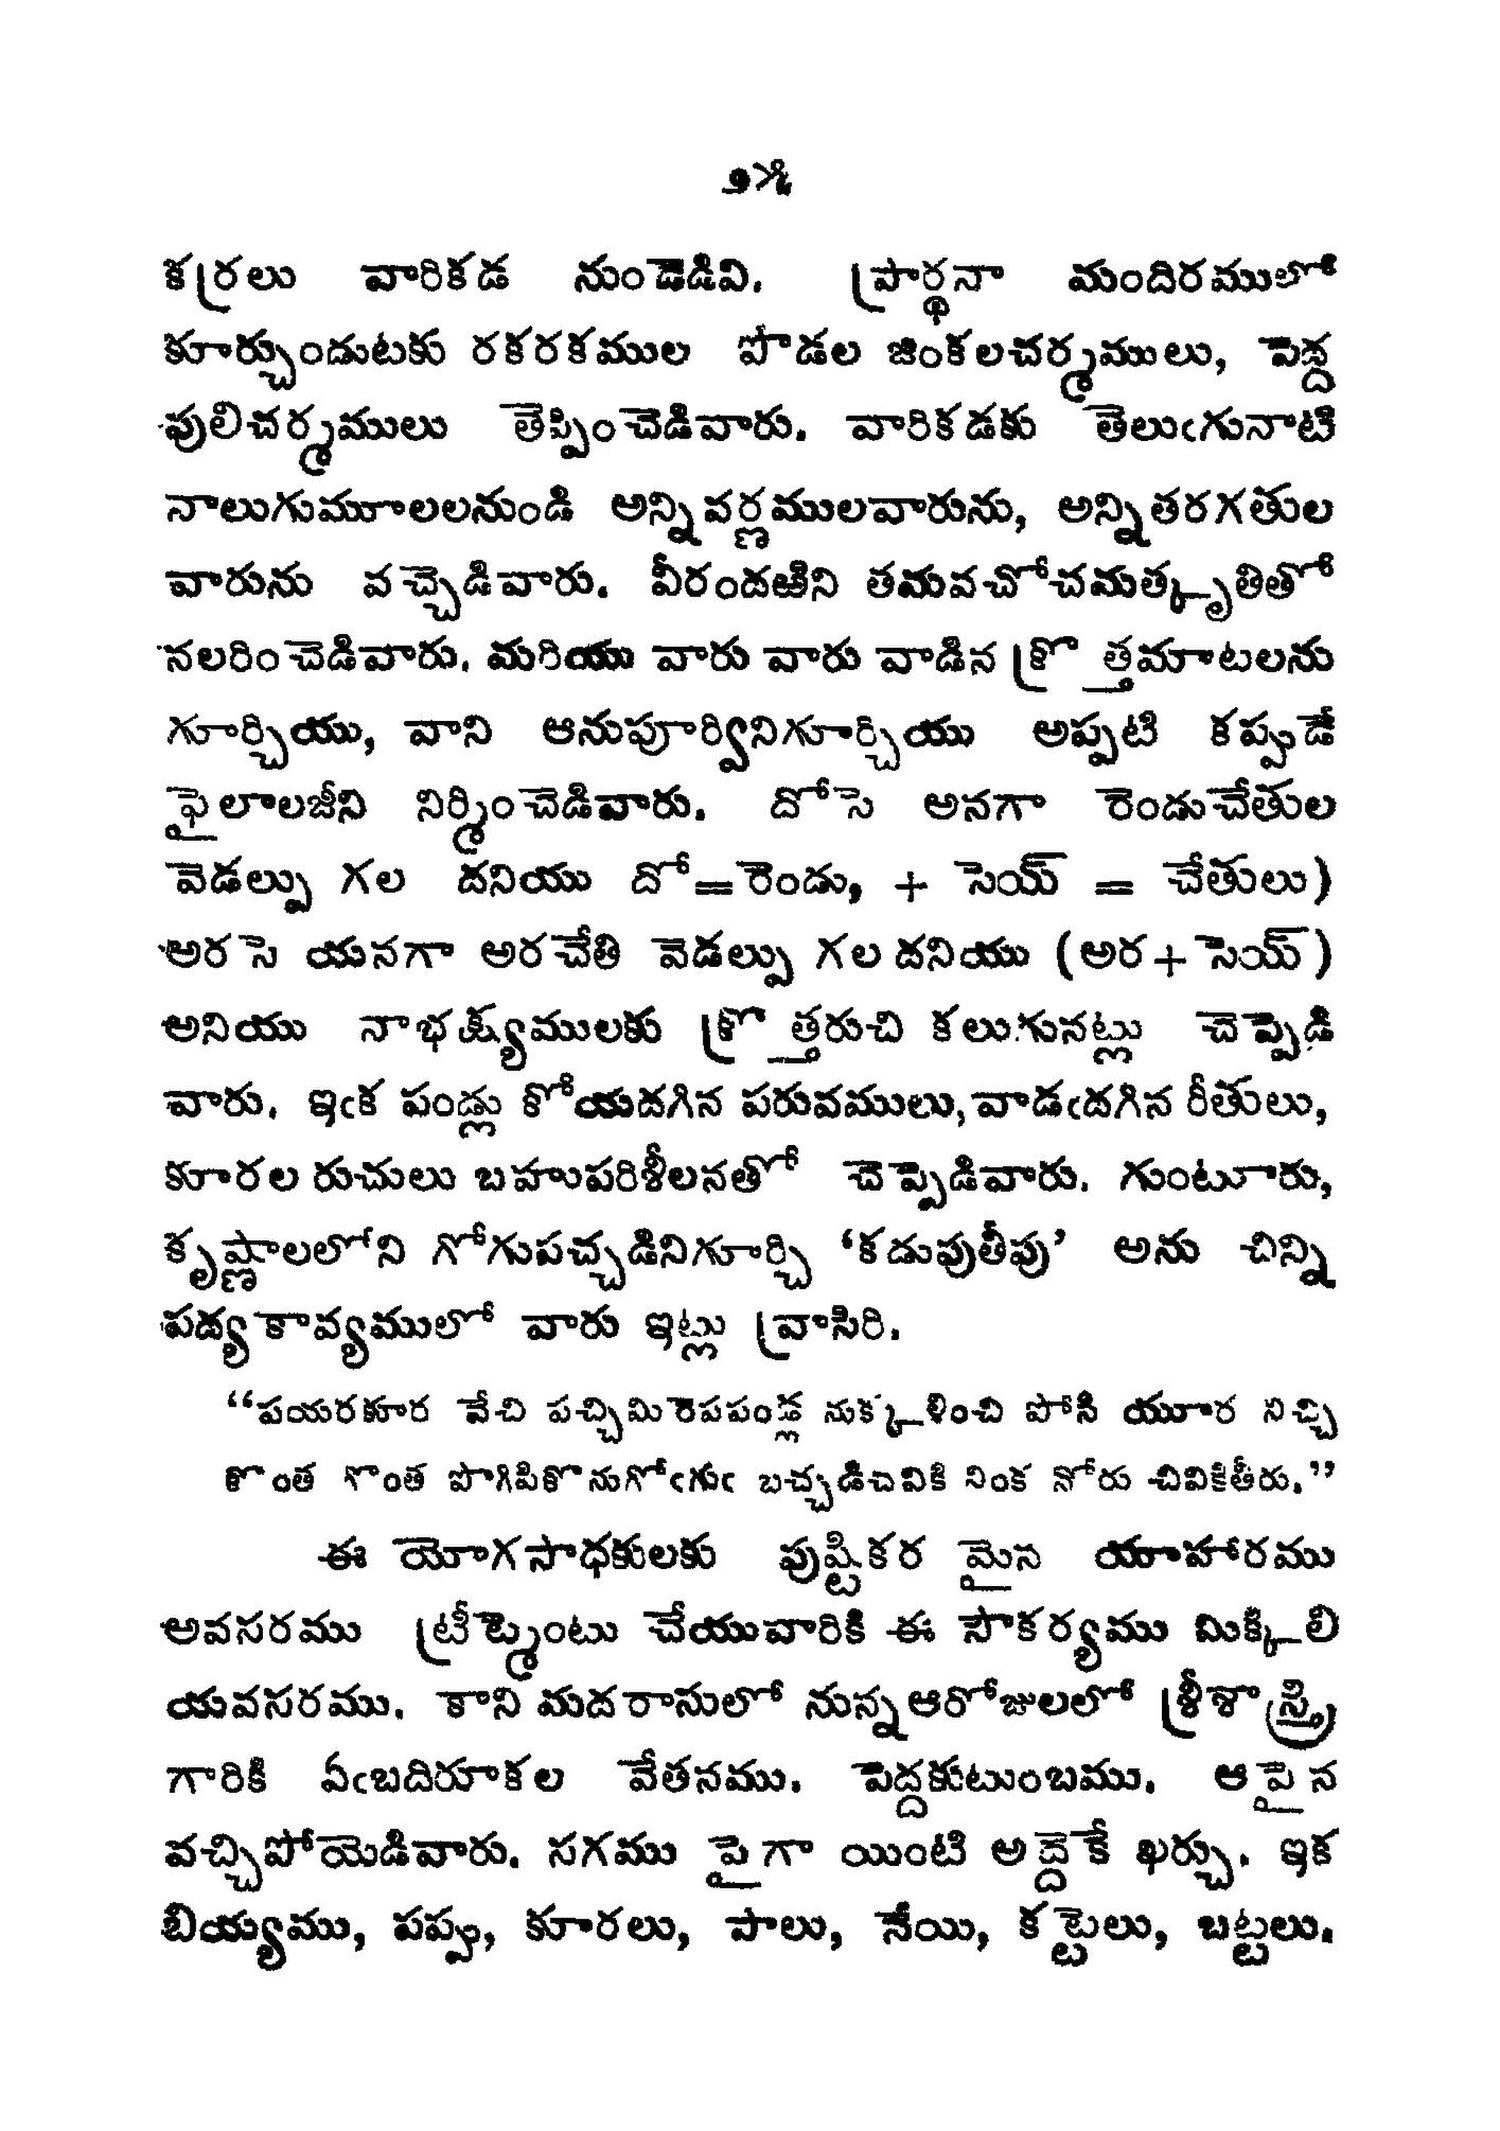కర్రలు వారికడ నుండెడివి. ప్రార్ధనా మందిరములో కూర్చుండుటకు రకరకముల పొడల జింకలచర్మములు, పెద్ద పులిచర్మములు తెప్పించేడివారు, వారికడకు తెలుఁగునాటి నాలుగుమూలలనుండి అన్ని వర్ణములవారును, అన్ని తరగతుల వారును వచ్చెడివారు, విరందఱిని తమవచోచమత్కృతితో నలరించేడివారు. మరిము వారు వారు వాడిన క్రొత్త మాటలను గూర్చియు, వాని ఆనుపూర్వినిగూర్చియు అప్పటి కప్పడే ప్తెలాలజిని నిర్మించేడివారు. దోసె అనగా రెండు చేతుల వెడల్పుగల దనియు దో = రెండు + సెయ్ = చేతులు, అరసె యనగా అరచేతి వెడల్పు గలదనియు (అర +సెయ్) అనియు నా భక్ష్యములకు క్రొత్తరుచి కలుగునట్లు చెప్పేడి వారు. ఇంక పండ్లుకోయదగిన పరువనులు, వాడఁదగిన రీతులు, కూరల రుచుల బహుపరిశీలనతోచెప్పెడివారు. గుంటూరు, కృష్ణాలలోని గోగుపచ్చడిని గూర్చి 'కడుపుతిపు' అను చిన్న పద్యకావ్యములో వారు ఇట్లు వ్రాసిరి. 

 " పయరకూర వేచి పచ్చిమిరెపండ్ల నుక్కళించి పోసి యూరనిచ్చి
కొంత కొంత పొగిపికొను గోఁగుఁ బచ్చడిచవికి నింక నోరు చివికితిరు."

 ఈ యోగసాధకులకు పుష్టికరమ్తెన యాహారము అవసరము. ట్రిట్మెంటు చేయువారికి ఈ సౌకర్యము మిక్కిలి యవసరము. కాని మదరాసులోనున్న ఆరోజులలో శ్రీ శాస్త్రిగారికి ఏంబదిరూకల వేతనము, పెద్ద కుటుంబము. ఆ ప్తెన వచ్చిపోయేడివారు. సగము ప్తెగా యింటి అద్దెకె ఖర్చు, ఇక బియ్యము, పప్పు, కూరలు, పాలు, నేయి, కట్టెలు, బట్టలు,